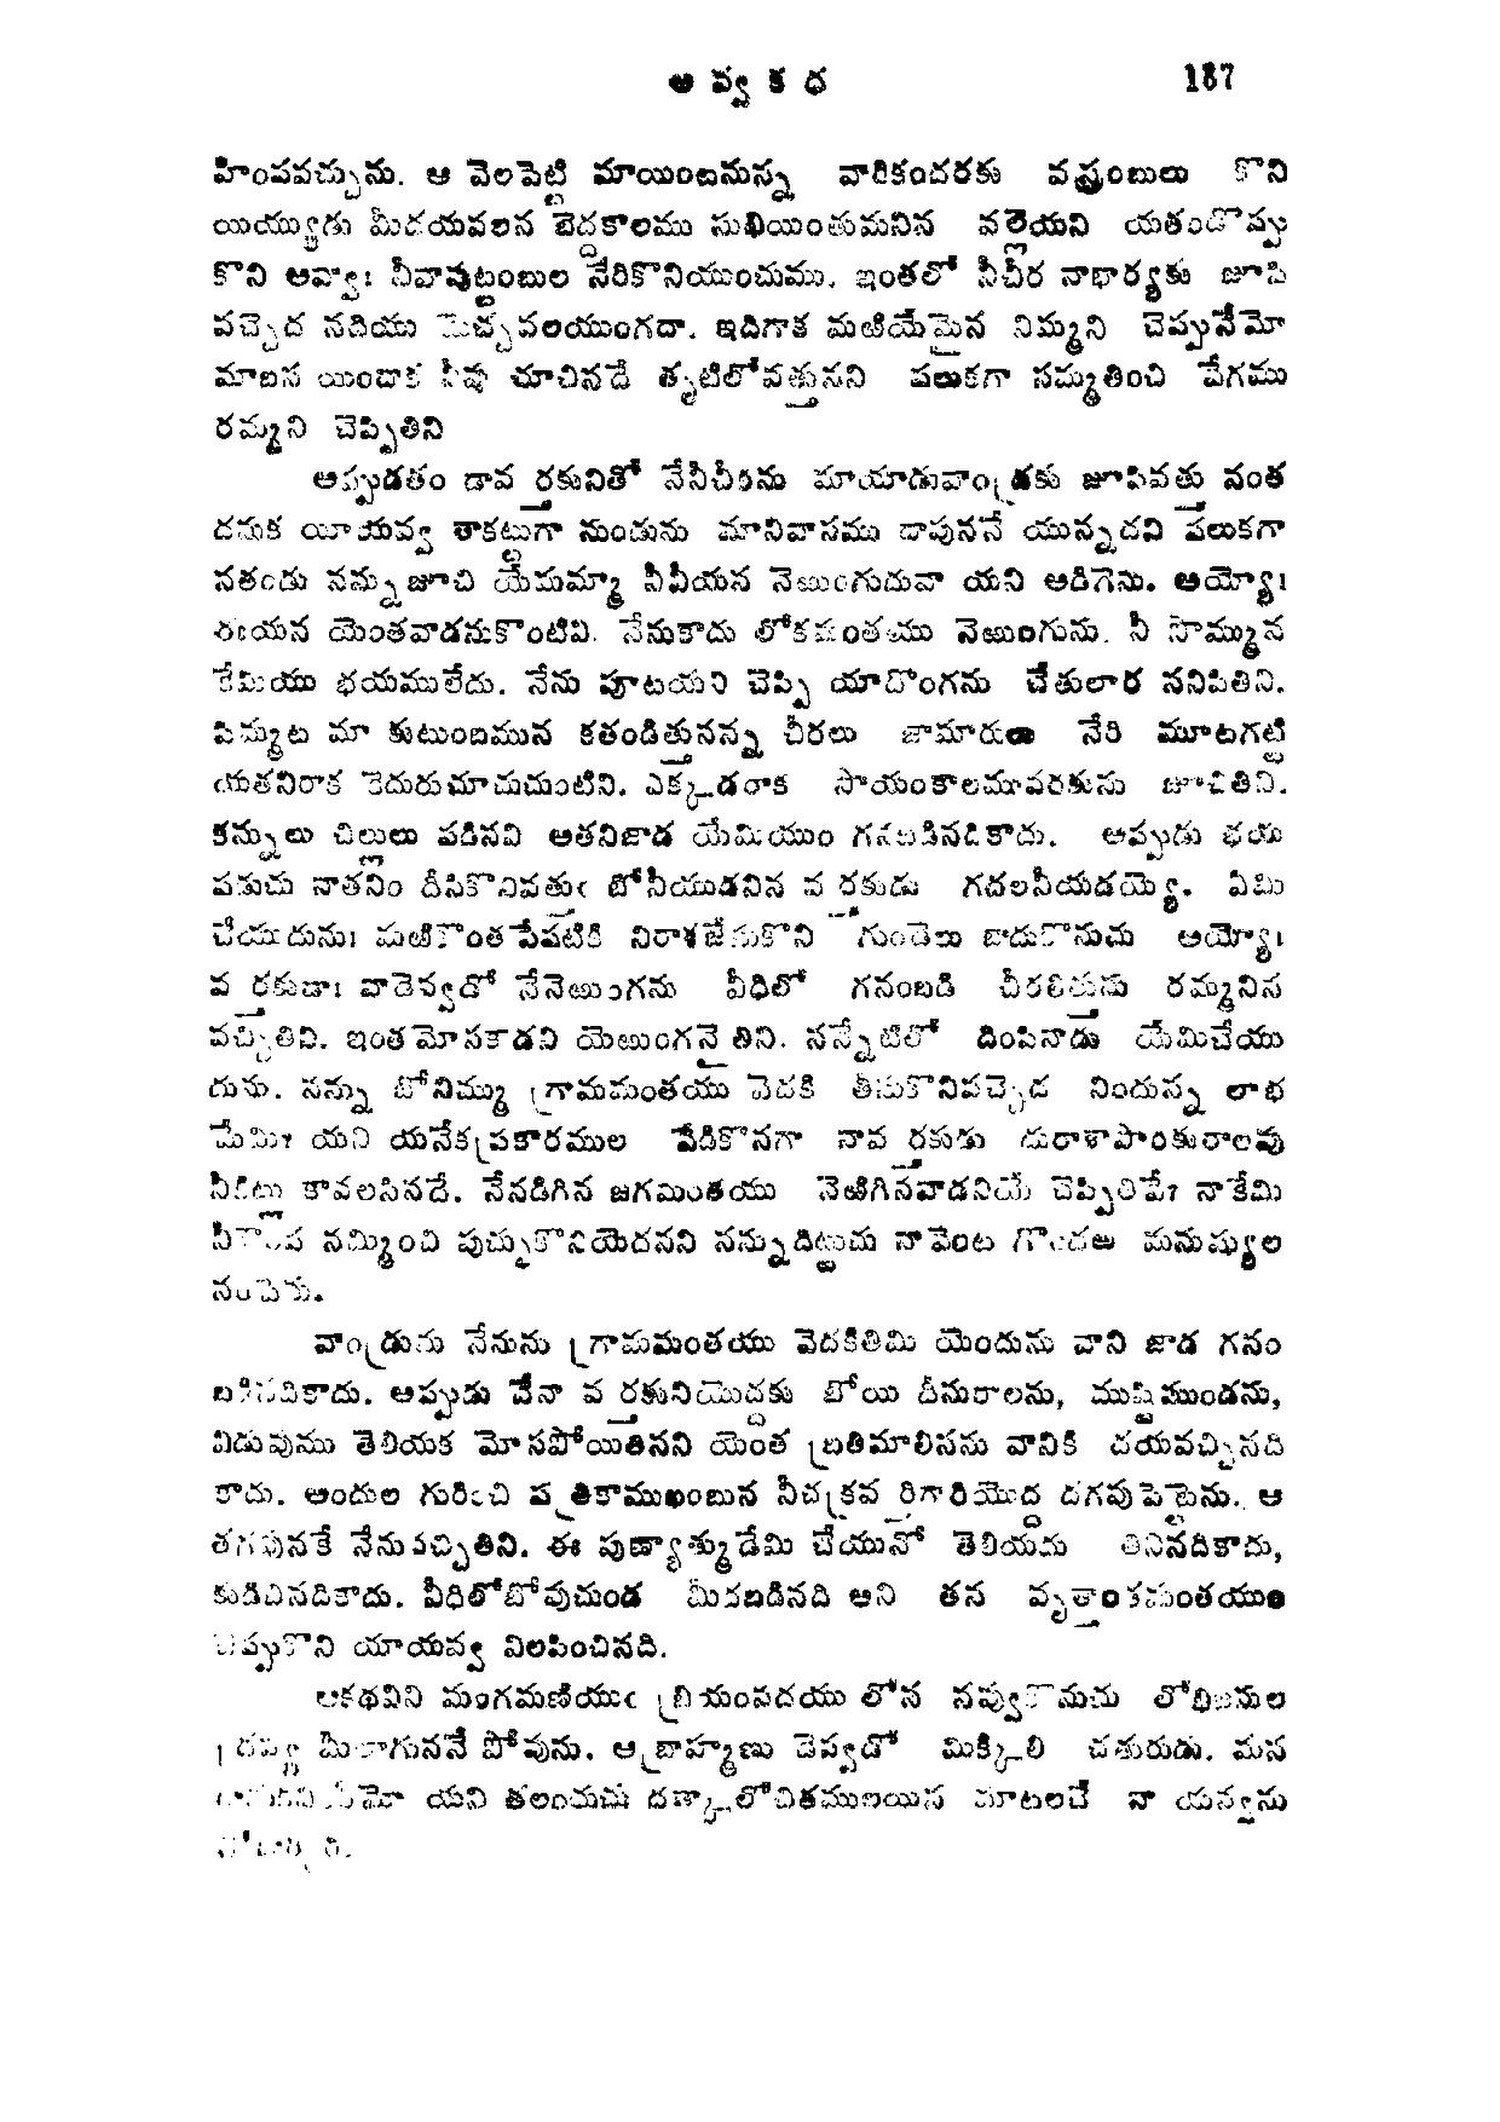హింపవచ్చును. ఆ వెలపెట్టి మాయింటనున్న వారికందరకు వస్త్రంబులు కొని యియ్యుడు మీదయవలన బెద్దకాలము సుఖియింతుమనిన వల్లెయని యతండొప్పుకొని అవ్వా! నీవాపుట్టంబుల నేరికొనియుంచుము. ఇంతలో నీచీర నాభార్యకు జూపివచ్చెద నదియు మెచ్చవలయుంగదా. ఇదిగాక మఱియేమైన నిమ్మని చెప్పునేమో మాబస యిందాక నీవు చూచినదే తృటిలోవత్తునని పలుకగా సమ్మతించి వేగము రమ్మని చెప్పితిని

అప్పుడతం డావర్తకునితో నేనీచీరను మాయాడువాండ్రకు జూపివత్తు నంత దనుక యీయవ్వ తాకట్టుగా నుండును మానివాసము దాపుననే యున్నదని పలుకగా నతండు నన్ను జూచి యేమమ్మా నీవీయన నెఱుంగుదువా యని అడిగెను. అయ్యో! ఈయన యెంతవాడనుకొంటివి. నేనుకాదు లోకమంతయు నెఱుంగును. నీ సొమ్మున కేమియు భయములేదు. నేను పూటయని చెప్పి యాదొంగను చేతులార ననిపితిని. పిమ్మట మా కుటుంబమున కతండిత్తునన్న చీరలు జామారులు నేరి మూటగట్టి
యతనిరాక కెదురుచూచుచుంటిని. ఎక్కడరాక సాయంకాలమువరకును జూచితిని. కన్నులు చిల్లులు పడినవి అతనిజాడ యేమియుం గనబడినదికాదు. అప్పుడు భయపడుచు నాతనిం దీసికొనివత్తుఁ బోనీయుడనిన వర్తకుడు గదలనీయడయ్యె. ఏమి చేయుదును! మఱికొంతసేపటికి నిరాశజేసుకొని గుండెలు బాదుకొనుచు అయ్యో! వర్తకుడా! వాడెవ్వడో నేనెఱుంగను వీధిలో గనంబడి చీరలిత్తును రమ్మనిన వచ్చితిని. ఇంతమోసకాడని యెఱుంగనైతిని. నన్నేటిలో దింపినాడు యేమిచేయుదును. నన్ను బోనిమ్ము! గ్రామమంతయు వెదకి తీసుకొనివచ్కెద నిందున్న లాభ మేమి? యని యనేక ప్రకారముల వేడికొనగా నావర్తకుడు దురాశాపాంకురాలవు నీకిట్లు కావలసినదే. నేనడిగిన జగమంతయు నెఱిగినవాడనియే చెప్పితివే? నాకేమి నీకొంప నమ్మించి పుచ్చుకొనియెదనని నన్నుదిట్టుచు నావెంట గొందఱ మనుష్యుల నంపెను.

వాండ్రును నేనును గ్రామమంతయు వెదకితిమి యెందును వాని జాడ గనంబడినదికాదు. అప్పుడు నేనా వర్తకునియొద్దకు బోయి దీనురాలను, ముష్టిముండను, విడువుము తెలియక మోసపోయితినని యెంత బ్రతిమాలినను వానికి దయవచ్చినది కాదు. అందుల గురించి పత్రికాముఖంబున నీచక్రవర్తిగారియొద్ద దగవుపెట్టెను. ఆ తగవునకే నేను వచ్చితిని. ఈ పుణ్యాత్ముడేమి చేయునో తెలియదు తినినదికాదు, కుడిచినదికాదు. వీధిలోబోవుచుండ మీదబడినది అని తన వృత్తాంతమంతయుం జెప్పుకొని యాయవ్వ విలపించినది.

ఆకథవిని మంగమణియుఁ బ్రియంవదయు లోన నవ్వుకొనుచు లోభిజనుల ద్రవ్య మీలాగుననే పోవును. ఆ బ్రాహ్మణు డెవ్వడో మిక్కిలి చతురుడు. మన రామకవియేమో యని తలంచుచు దత్కా,లోచితములయిన మాటలచే నా యవ్వను వోదార్చిరి.